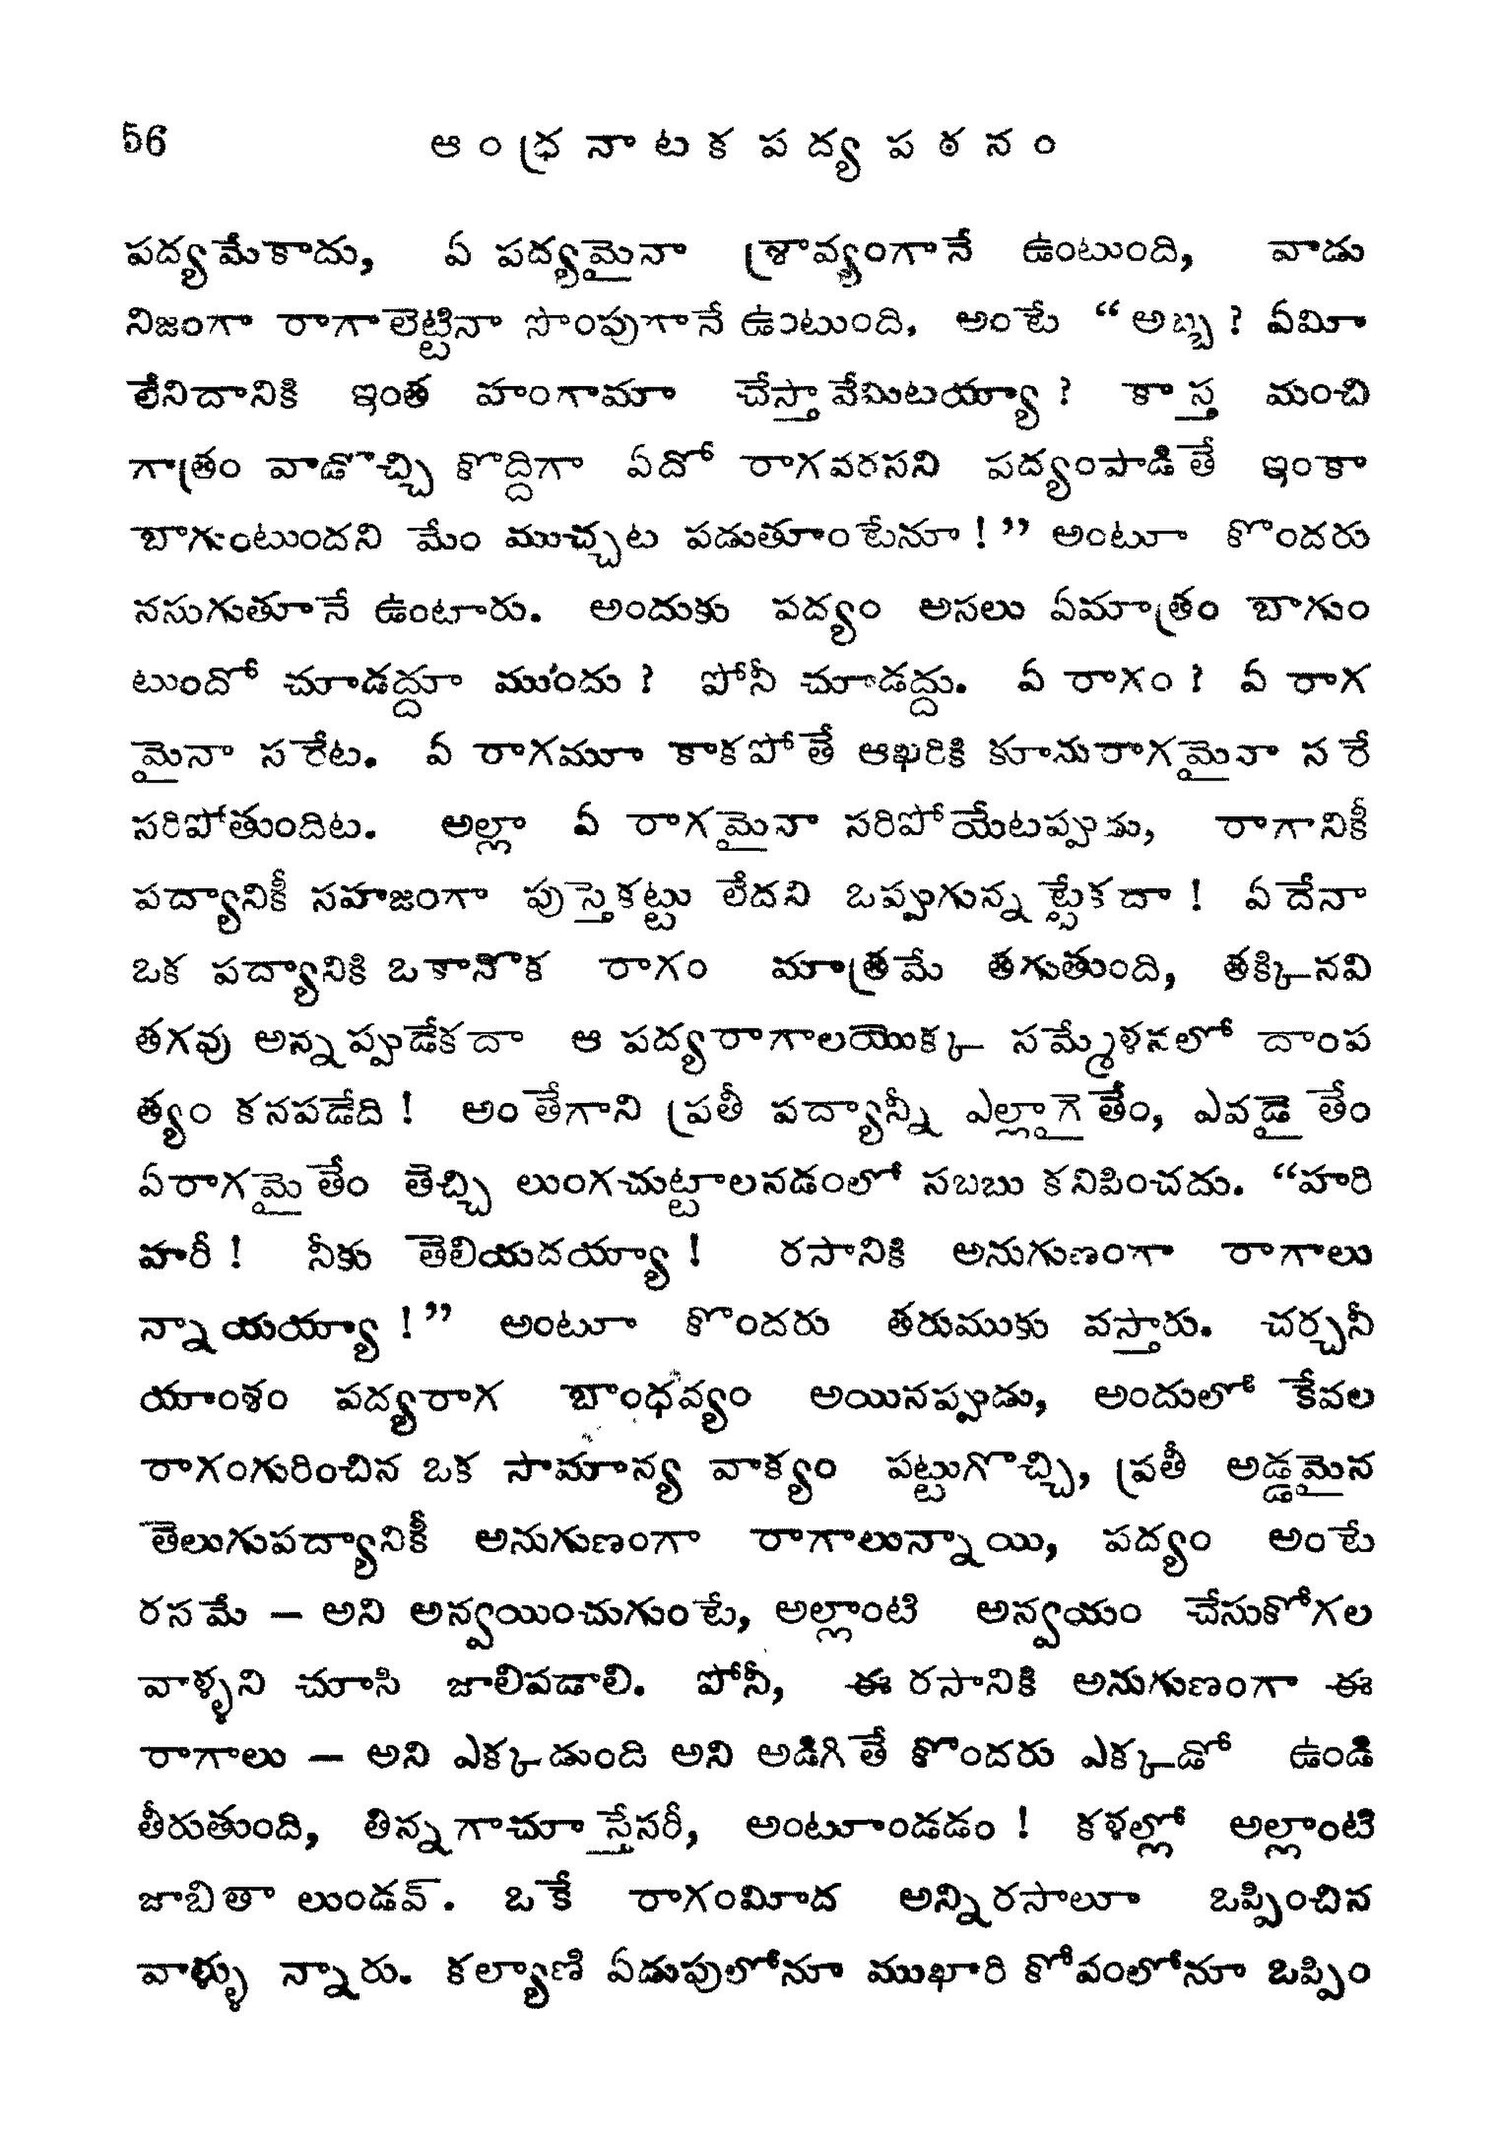పద్యమేకాదు, ఏ పద్యమైనా శ్రావ్యంగానే ఉంటుంది, వాడు
నిజంగా రాగాలెట్టినా సొంపుగానే ఉంటుంది. అంటే "అబ్బ ? ఏమీ
లేనిదానికి ఇంత హంగామా చేస్తావేమిటయ్యా ! కాస్త మంచి
గాత్రం వాడొచ్చి కొద్దిగా ఏదో రాగవరసని పద్యంపాడితే ఇంకా
బాగుంటుందని మేం ముచ్చట పడుతూంటేనూ!” అంటూ కొందరు
నసుగుతూనే ఉంటారు. అందుకు పద్యం అసలు ఏమాత్రం బాగుం
టుందో చూడద్దూ ముందు ! పోనీ చూడద్దు. ఏ రాగం ? ఏ రాగ
మైనా సరేట. ఏ రాగమూ కాకపోతే ఆఖరికి కూనురాగమైనా సరే
సరిపోతుందిట. అల్లా ఏ రాగమైనా సరిపోయేటప్పుడు, రాగానికీ
పద్యానికీ సహజంగా పుస్తెకట్టు లేదని ఒప్పుగున్నట్టేకదా! ఏదేనా
ఒక పద్యానికి ఒకానొక రాగం మాత్రమే తగుతుంది, తక్కినవి
తగవు అన్నప్పుడేకదా ఆ పద్యరాగాలయొక్క సమ్మేళనలో దాంప
త్యం కనపడేది ! అంతేగాని ప్రతీ పద్యాన్నీ ఎల్లాగైతేం, ఎవడై తేం
ఏరాగమైతేం తెచ్చి లుంగచుట్టాలనడంలో సబబు కనిపించదు. “హరి
హరీ! నీకు తెలియదయ్యా ! రసానికి అనుగుణంగా రాగాలు
న్నాయయ్యా !" అంటూ కొందరు తరుముకు వస్తారు. చర్చనీ
యాంశం పద్యరాగ బాంధవ్యం అయినప్పుడు, అందులో కేవల
రాగంగురించిన ఒక సామాన్య వాక్యం పట్టుగొచ్చి, ప్రతీ అడ్డమైన
తెలుగుపద్యానికీ అనుగుణంగా రాగాలున్నాయి, పద్యం అంటే
రసమే – అని అన్వయించుగుంటే, అల్లాంటి అన్వయం చేసుకోగల
వాళ్ళని చూసి జాలిపడాలి. పోనీ, ఈ రసానికి అనుగుణంగా ఈ
రాగాలు - అని ఎక్కడుంది అని అడిగితే కొందరు ఎక్కడో ఉండి
తీరుతుంది, తిన్నగాచూస్తేసరీ, అంటూండడం! కళల్లో అల్లాంటి
జాబితా లుండవ్. ఒకే రాగంమీద అన్నిరసాలూ ఒప్పించిన
వాళ్ళు న్నారు. కల్యాణి ఏడుపులోనూ ముఖారి కోపంలోనూ ఒప్పిం